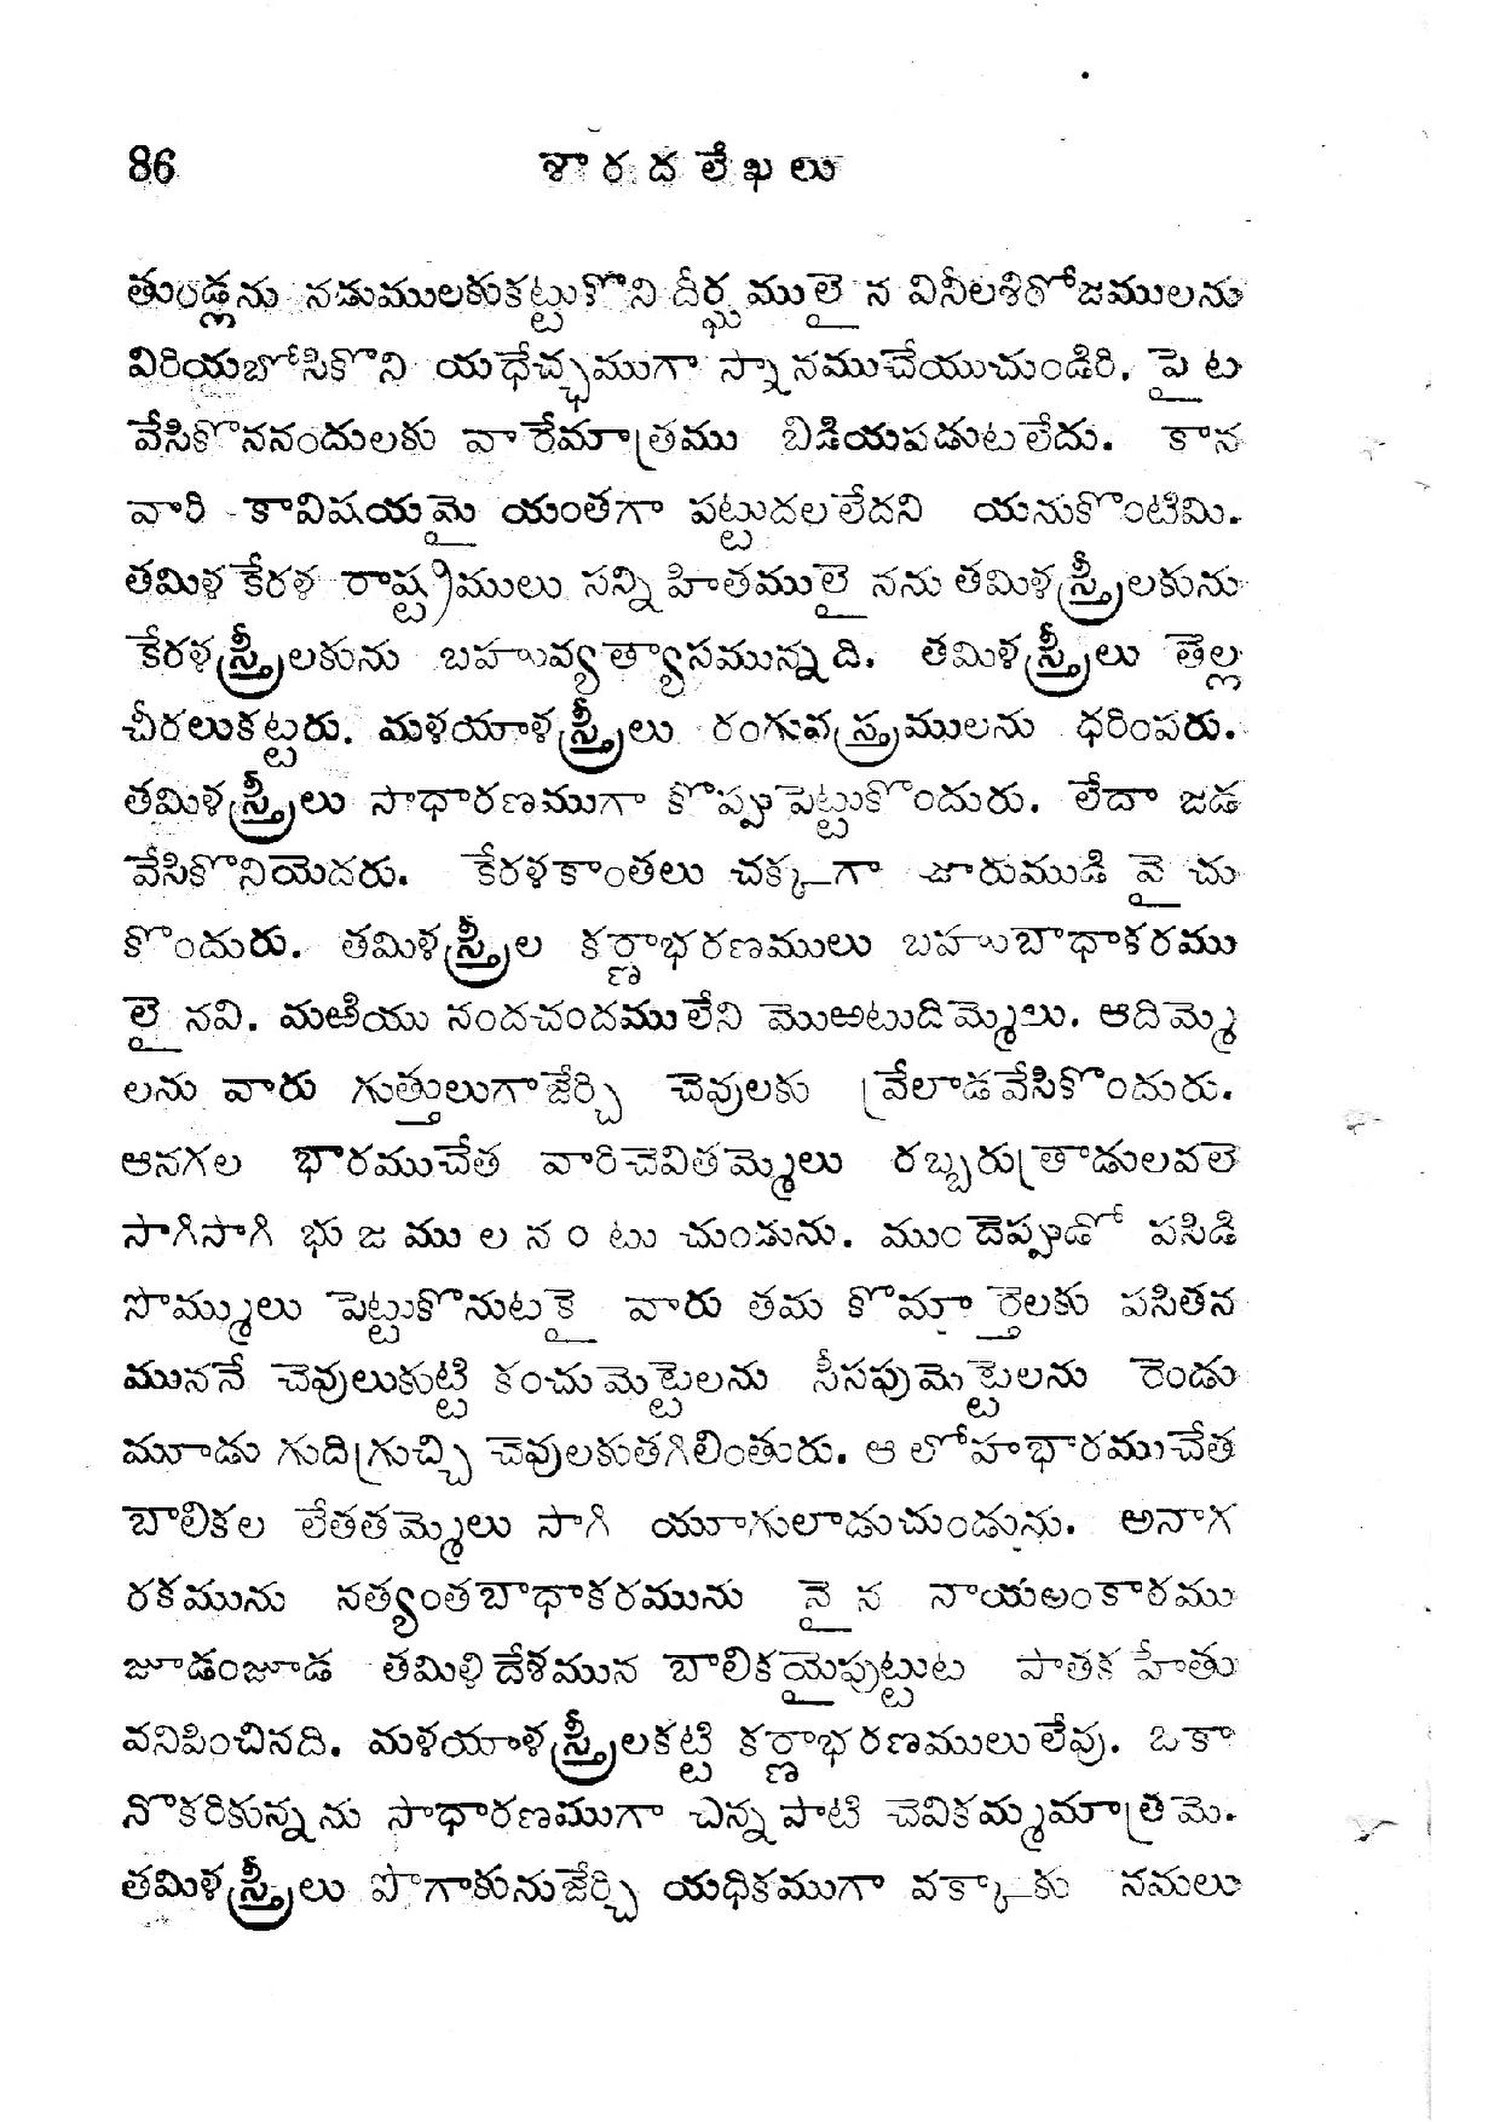తుండ్లను నడుములకుకట్టుకొని దీర్ఘములైన వినీలశిరోజములను విరియబోసికొని యధేచ్ఛముగా స్నానముచేయుచుండిరి. పైట వేసికొననందులకు వారేమాత్రము బిడియపడుటలేదు. కాన వారి కావిషయమై యంతగా పట్టుదలలేదని యనుకొంటిమి. తమిళకేరళ రాష్ట్రములు సన్నిహితములైనను తమిళస్త్రీలకును కేరళస్త్రీలకును బహువ్యత్యాసమున్నది. తమిళస్త్రీలు తెల్లచీరలుకట్టరు. మళయాళస్త్రీలు రంగువస్త్రములను ధరింపరు. తమిళస్త్రీలు సాధారణముగా కొప్పుపెట్టుకొందురు. లేదా జడవేసికొనియెదరు. కేరళకాంతలు చక్కగా జారుముడి వైచుకొందురు. తమిళస్త్రీల కర్ణాభరణములు బహుబాధాకరములైనవి. మఱియు నందచందములేని మొఱటుదిమ్మెలు. ఆదిమ్మెలను వారు గుత్తులుగాజేర్చి చెవులకు వ్రేలాడవేసికొందురు. ఆనగల భారముచేత వారిచెవితమ్మెలు రబ్బరుత్రాడులవలె సాగిసాగి భుజములనంటు చుండును. ముందెప్పుడో పసిడిసొమ్ములు పెట్టుకొనుటకై వారు తమ కొమార్తెలకు పసితనముననే చెవులుకుట్టి కంచుమెట్టెలను సీసపుమెట్టెలను రెండు మూడు గుదిగ్రుచ్చి చెవులకుతగిలింతురు. ఆ లోహభారముచేత బాలికల లేతతమ్మెలు సాగి యూగులాడుచుండును. అనాగరకమును నత్యంత బాధాకరమును నైన నాయలంకారము జూడంజూడ తమిళిదేశమున బాలికయైపుట్టుట పాతక హేతువనిపించినది. మళయాళ స్త్రీలకట్టి కర్ణాభరణములులేవు. ఒకానొకరికున్నను సాధారణముగా చిన్నపాటి చెవికమ్మమాత్రమే. తమిళస్త్రీలు పొగాకునుజేర్చి యధికముగా వక్కాకు నమలు